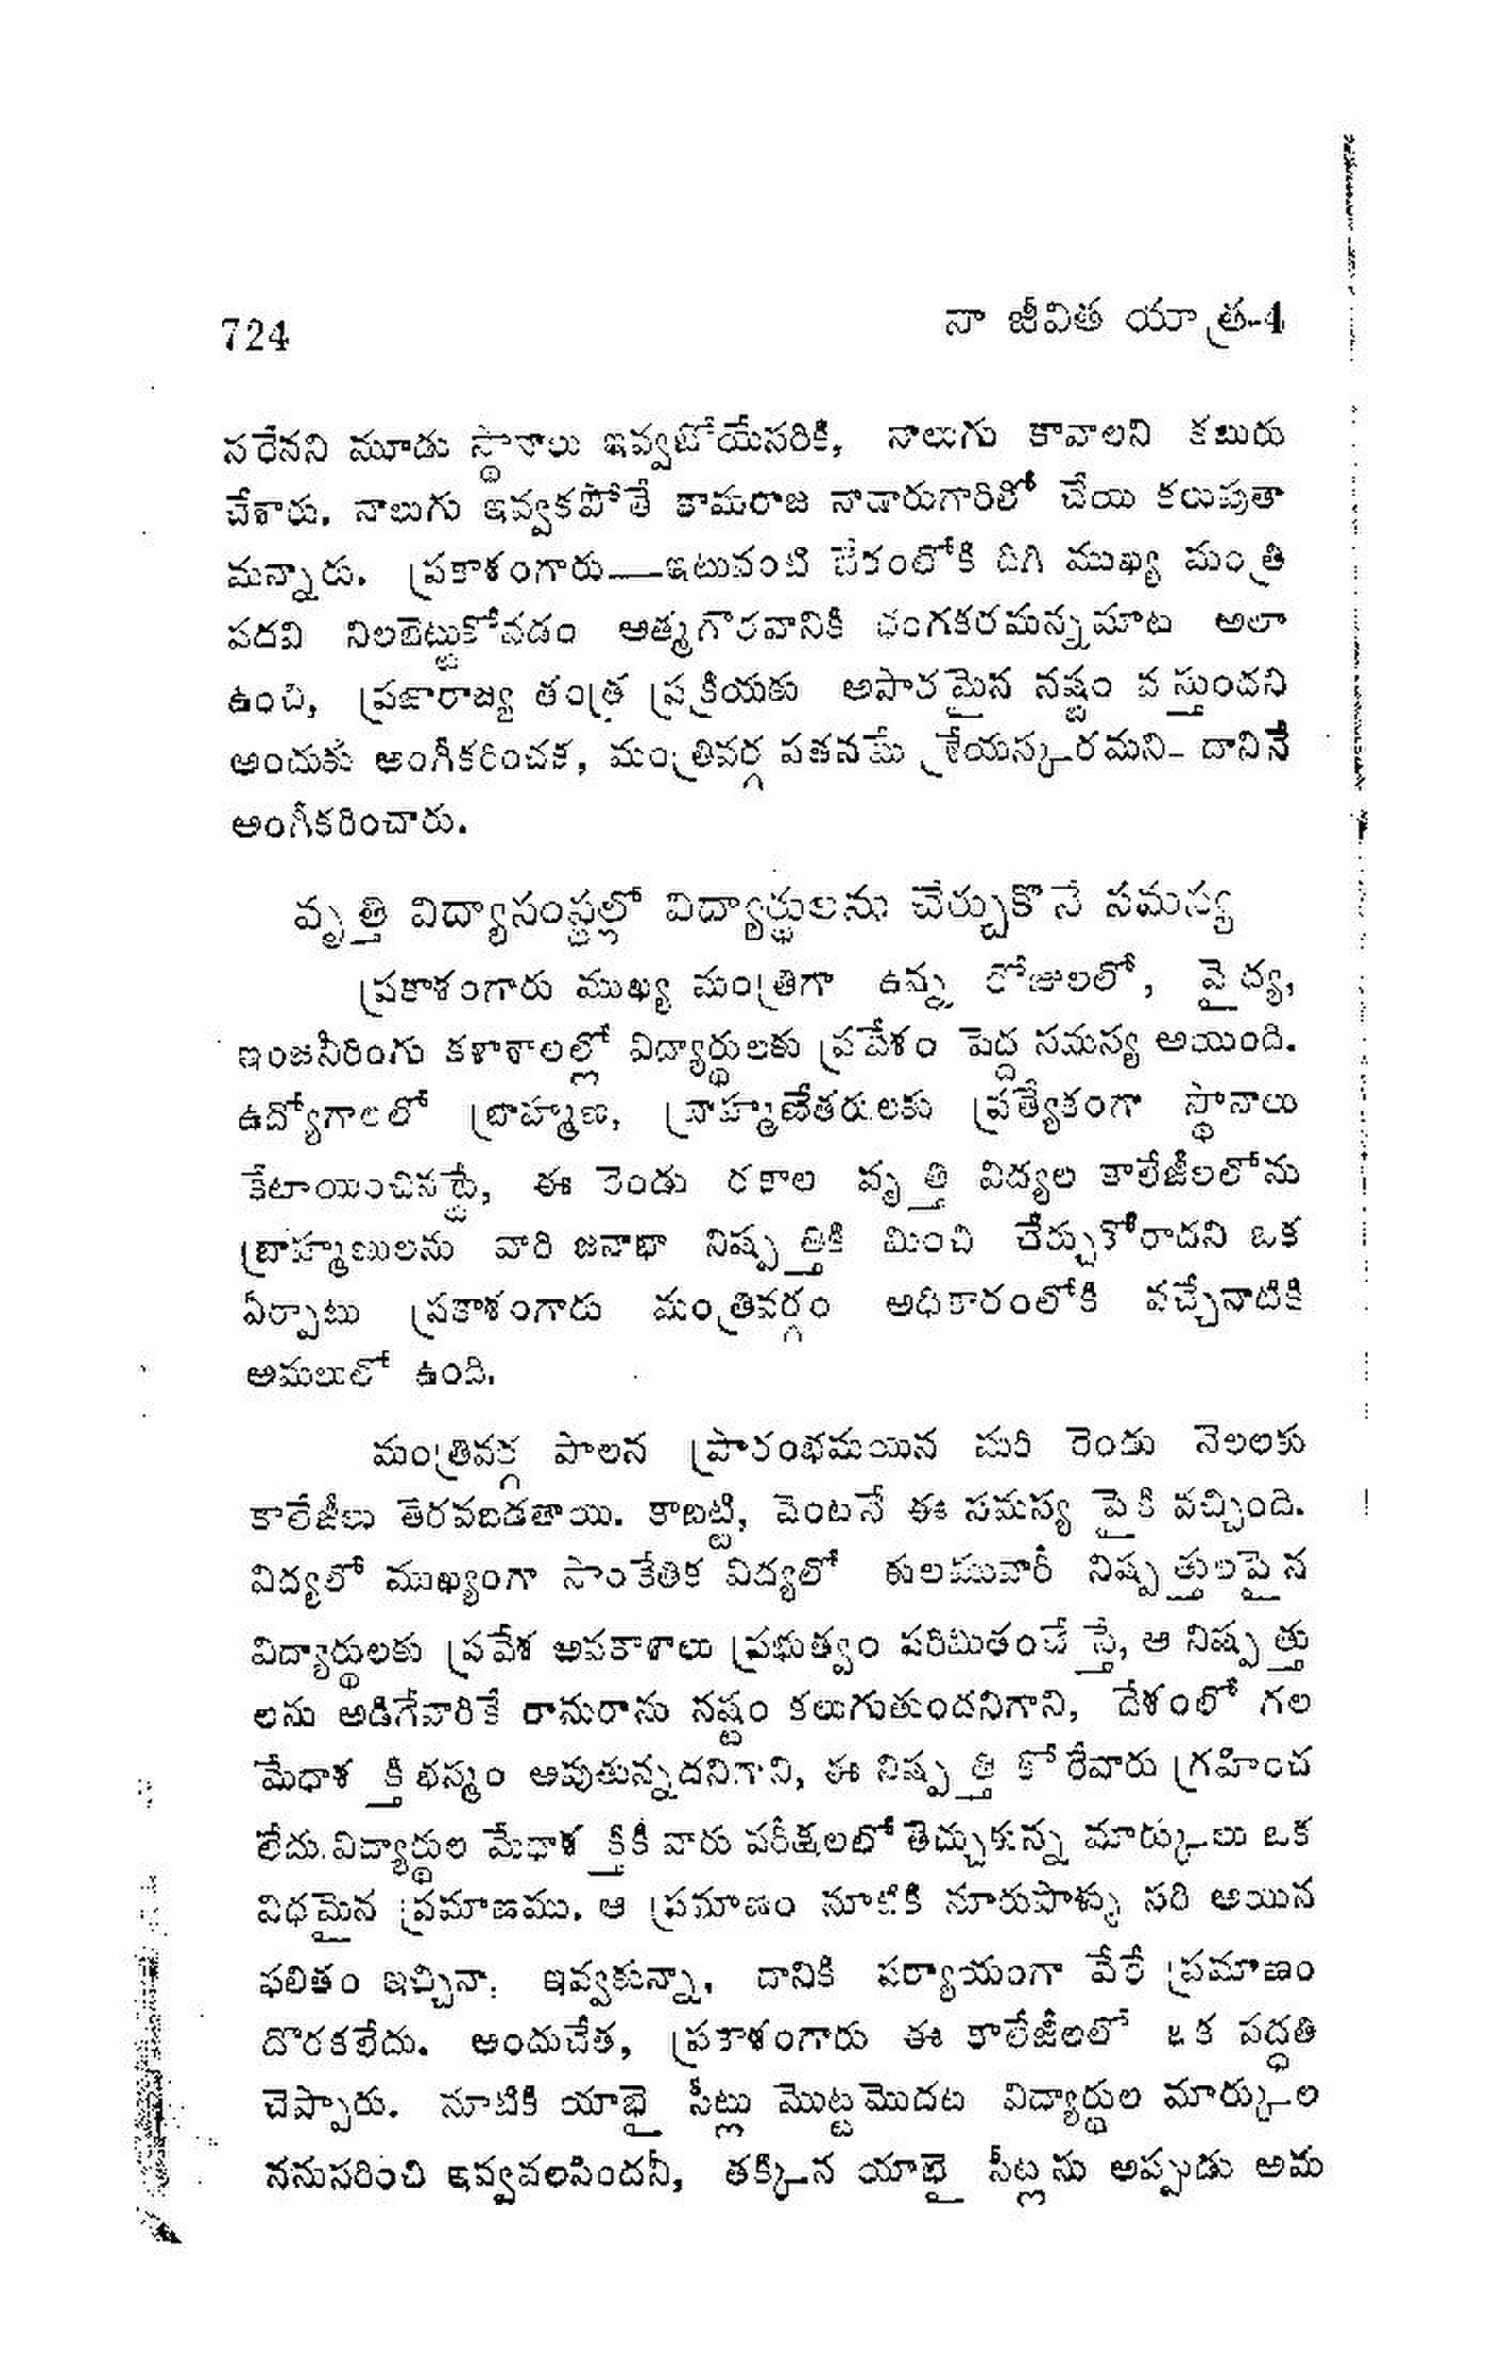సరేనని మూడు స్థానాలు ఇవ్వబోయేసరికి, నాలుగు కావాలని కబురు చేశారు, నాలుగు ఇవ్వకపోతే కామరాజ నాడారుగారితో చేయి కలుపుతామన్నారు. ప్రకాశంగారు - ఇటువంటి బేరంలోకి దిగి ముఖ్య మంత్రి పదవి నిలబెట్టుకోవడం ఆత్మగౌరవానికి భంగకరమన్నమాట అలా ఉంచి, ప్రజారాజ్య తంత్ర ప్రక్రియకు అపారమైన నష్టం వస్తుందని అందుకు అంగీకరించక, మంత్రివర్గ పతనమే శ్రేయస్కరమని - దానినే అంగీకరించారు.

ప్రకాశంగారు ముఖ్య మంత్రిగా ఉన్న రోజులలో, వైద్య, ఇంజనీరింగు కళాశాలల్లో విద్యార్థులకు ప్రవేశం పెద్ద సమస్య అయింది. ఉద్యోగాలలో బ్రాహ్మణ, బ్రాహ్మణేతరులకు ప్రత్యేకంగా స్థానాలు కేటాయించినట్టే, ఈ రెండు రకాల వృత్తి విద్యల కాలేజీలలోను బ్రాహ్మణులను వారి జనాభా నిష్పత్తికి మించి చేర్చుకోరాదని ఒక ఏర్పాటు ప్రకాశంగారు మంత్రివర్గం అధికారంలోకి వచ్చేనాటికి అమలులో ఉంది.

మంత్రివర్గ పాలన ప్రారంభమయిన మరి రెండు నెలలకు కాలేజీలు తెరవబడతాయి. కాబట్టి, వెంటనే ఈ సమస్య పైకి వచ్చింది. విద్యలో ముఖ్యంగా సాంకేతిక విద్యలో కులమువారీ నిష్పత్తులపైన విద్యార్థులకు ప్రవేశ అవకాశాలు ప్రభుత్వం పరిమితంచేస్తే, ఆ నిష్పత్తులను అడిగేవారికే రానురాను నష్ట కలుగుతుందనిగాని, దేశంలో గల మేధాశక్తి భస్మం అవుతున్నదని గాని, ఈ నిష్పత్తి కోరేవారు గ్రహించ లేదు. విద్యార్థుల మేధాశక్తికి వారు పరీక్షలలో తెచ్చుకున్న మార్కులు ఒక విధమైన ప్రమాణము. ఆ ప్రమాణం నూటికి నూరుపాళ్ళు సరి అయిన ఫలితం ఇచ్చినా, ఇవ్వకున్నా, దానికి పర్యాయంగా వేరే ప్రమాణం దొరకలేదు. అందుచేత, ప్రకాశంగారు ఈ కాలేజీలలో ఒక పద్ధతి చెప్పారు. నూటికి యాభై సీట్లు మొట్టమొదట విద్యార్థుల మార్కుల ననుసరించి ఇవ్వవలసిందనీ, తక్కిన యాభై సీట్లను అప్పుడు అమ